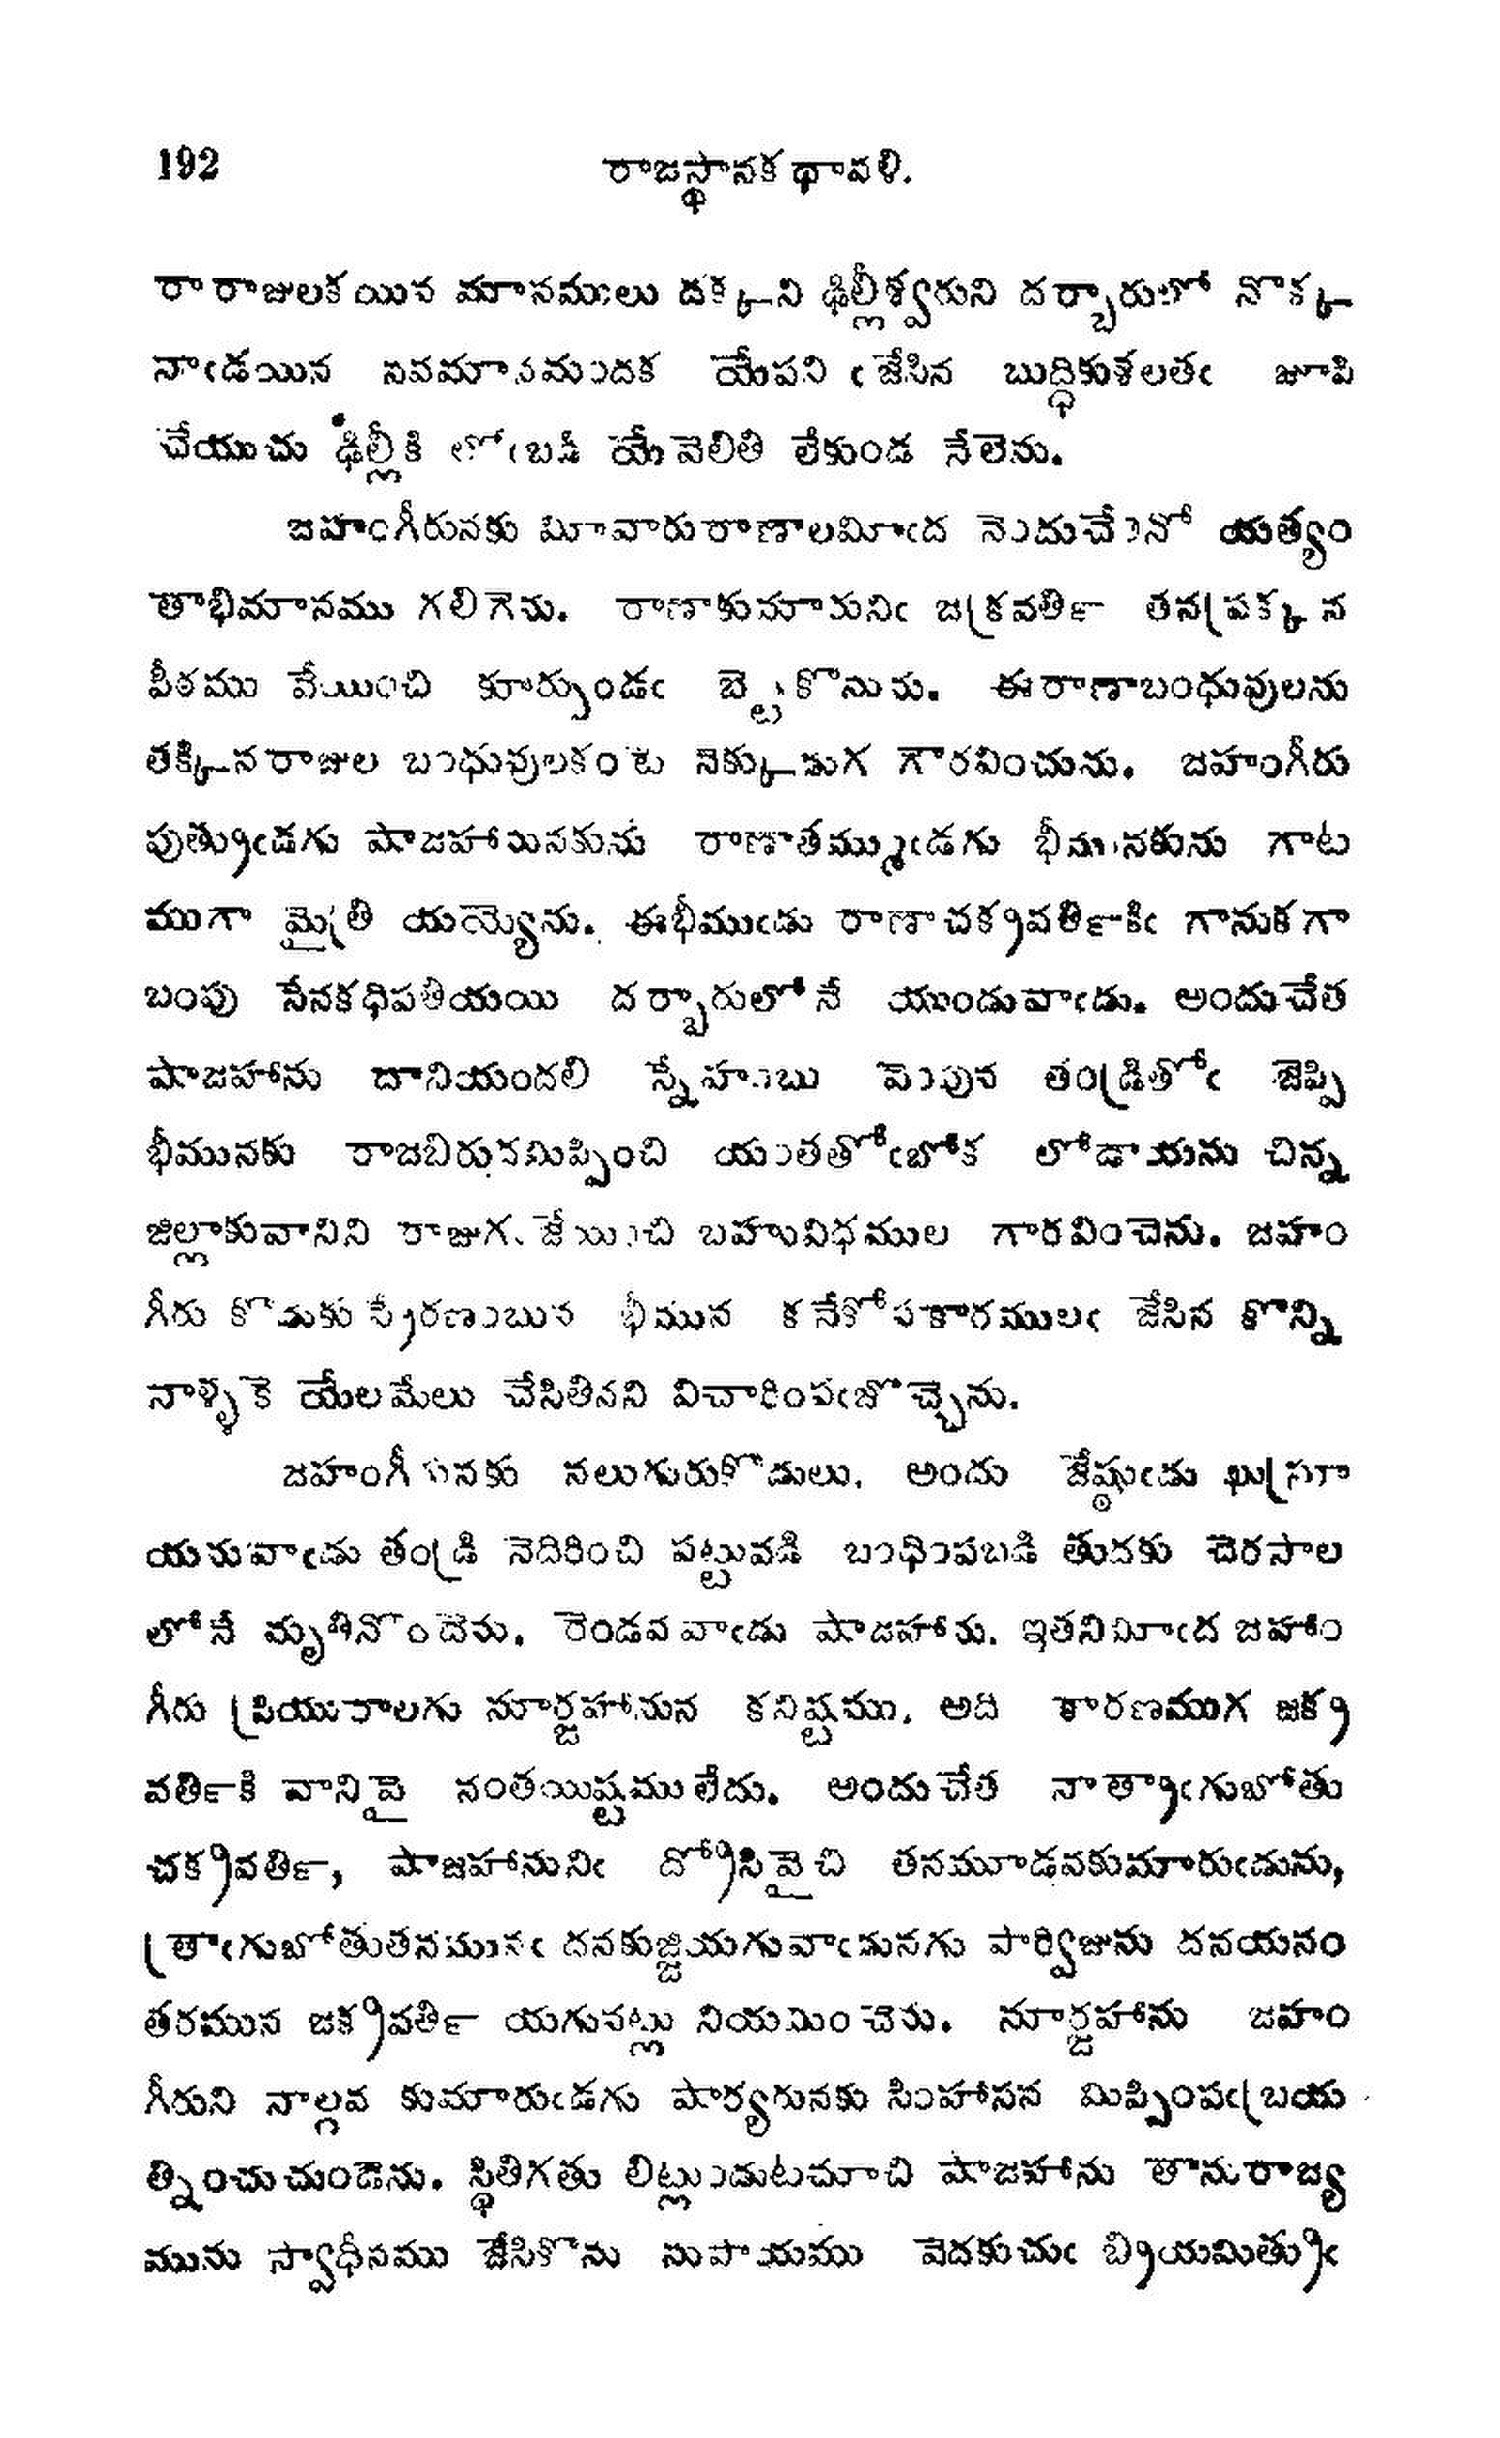రారాజులకయిన మానములు దక్కని ఢిల్లీశ్వరుని దర్బారులో నొక్క నాఁడయిన నవమానమందక యేపనిఁ జేసిన బుద్ధికుశలతఁ జూపి
చేయుచు ఢిల్లీకి లోఁబడి యే వెలితి లేకుండ నేలెను.

జహంగీరునకు మీవారు రాణాలమీఁద నెందుచేతనో యత్యంతాభిమానము గలిగెను. రాణాకుమారునిఁ జక్రవతి౯ తనపక్కన పీఠము వేయించి కూర్చుండఁ బెట్టు కొనును. ఈరాణాబంధువులను తక్కిన రాజుల బంధువులకంటే నెక్కుడుగ గౌరవించును. జహంగీరు పుత్రుండగు షాజహానునకును రాణాతమ్ముఁడగు భీమునకును గాటముగా మైత్రి యయ్యెను. ఈ భీముఁడు రాణా చక్రవతి౯కి గానుకగా బంపు సేనకధిపతియయి దర్బారులోనే యుండు వాఁడు. అందుచేత షాజహాను దానియందలి స్నేహంబు పెంపున తండ్రితోఁ జెప్పి భీమునకు రాజబిరుదమిప్పించి యంతతోఁబోక లోడాయను చిన్న జిల్లాకు వానిని రాజుగ, జేయించి బహువిధముల గౌరవించెను. జహంగీరు కొడుకు ప్రేరణంబున భీమున కనేకోపకారములఁ జేసిన కొన్ని నాళ్ళకె యేల మేలు చేసితినని విచారింపఁజొచ్చేను.

జహంగీరునకు నలుగురు కొడులు, అందు జేష్ఠుఁడు ఖుస్రూ యను వాఁడు తండ్రి నెదిరించి పట్టువడి, బధింపబడి తుదకు చెరసాల
లోనే మృతినొందెను. రెండవ వాఁడు షాజహను. ఇతని మీఁద జహాంగీరు ప్రియురాలగు నూర్జహానున కనిష్టము, అది కారణముగ జక్రవతి౯కి వానిపై నంతయిష్టము లేదు. అందుచేత నా త్రాఁగుబోతు చక్రవతి౯, షాజహానునిఁ ద్రోసి వైచి తనమూడవకుమారుఁడును, త్రాగుబోతు తనమునఁ దనకుజ్జియగువాఁడునగు పార్విజును దనయనంతరమున జక్రవతి౯ యగునట్లు నియమించెను. నూర్జహాను జహంగీరుని నాల్గవ కుమారుఁడగు షార్యరునకు సింహాసన మిప్పింపఁ బ్రయత్నించుచుండెను. స్థితిగతు లిట్లుండుటచూచి షాజహాను తాను రాజ్యమును స్వాధీనము జేసికొను నుపాయము వెదకుచుఁ బ్రియమిత్రుఁ